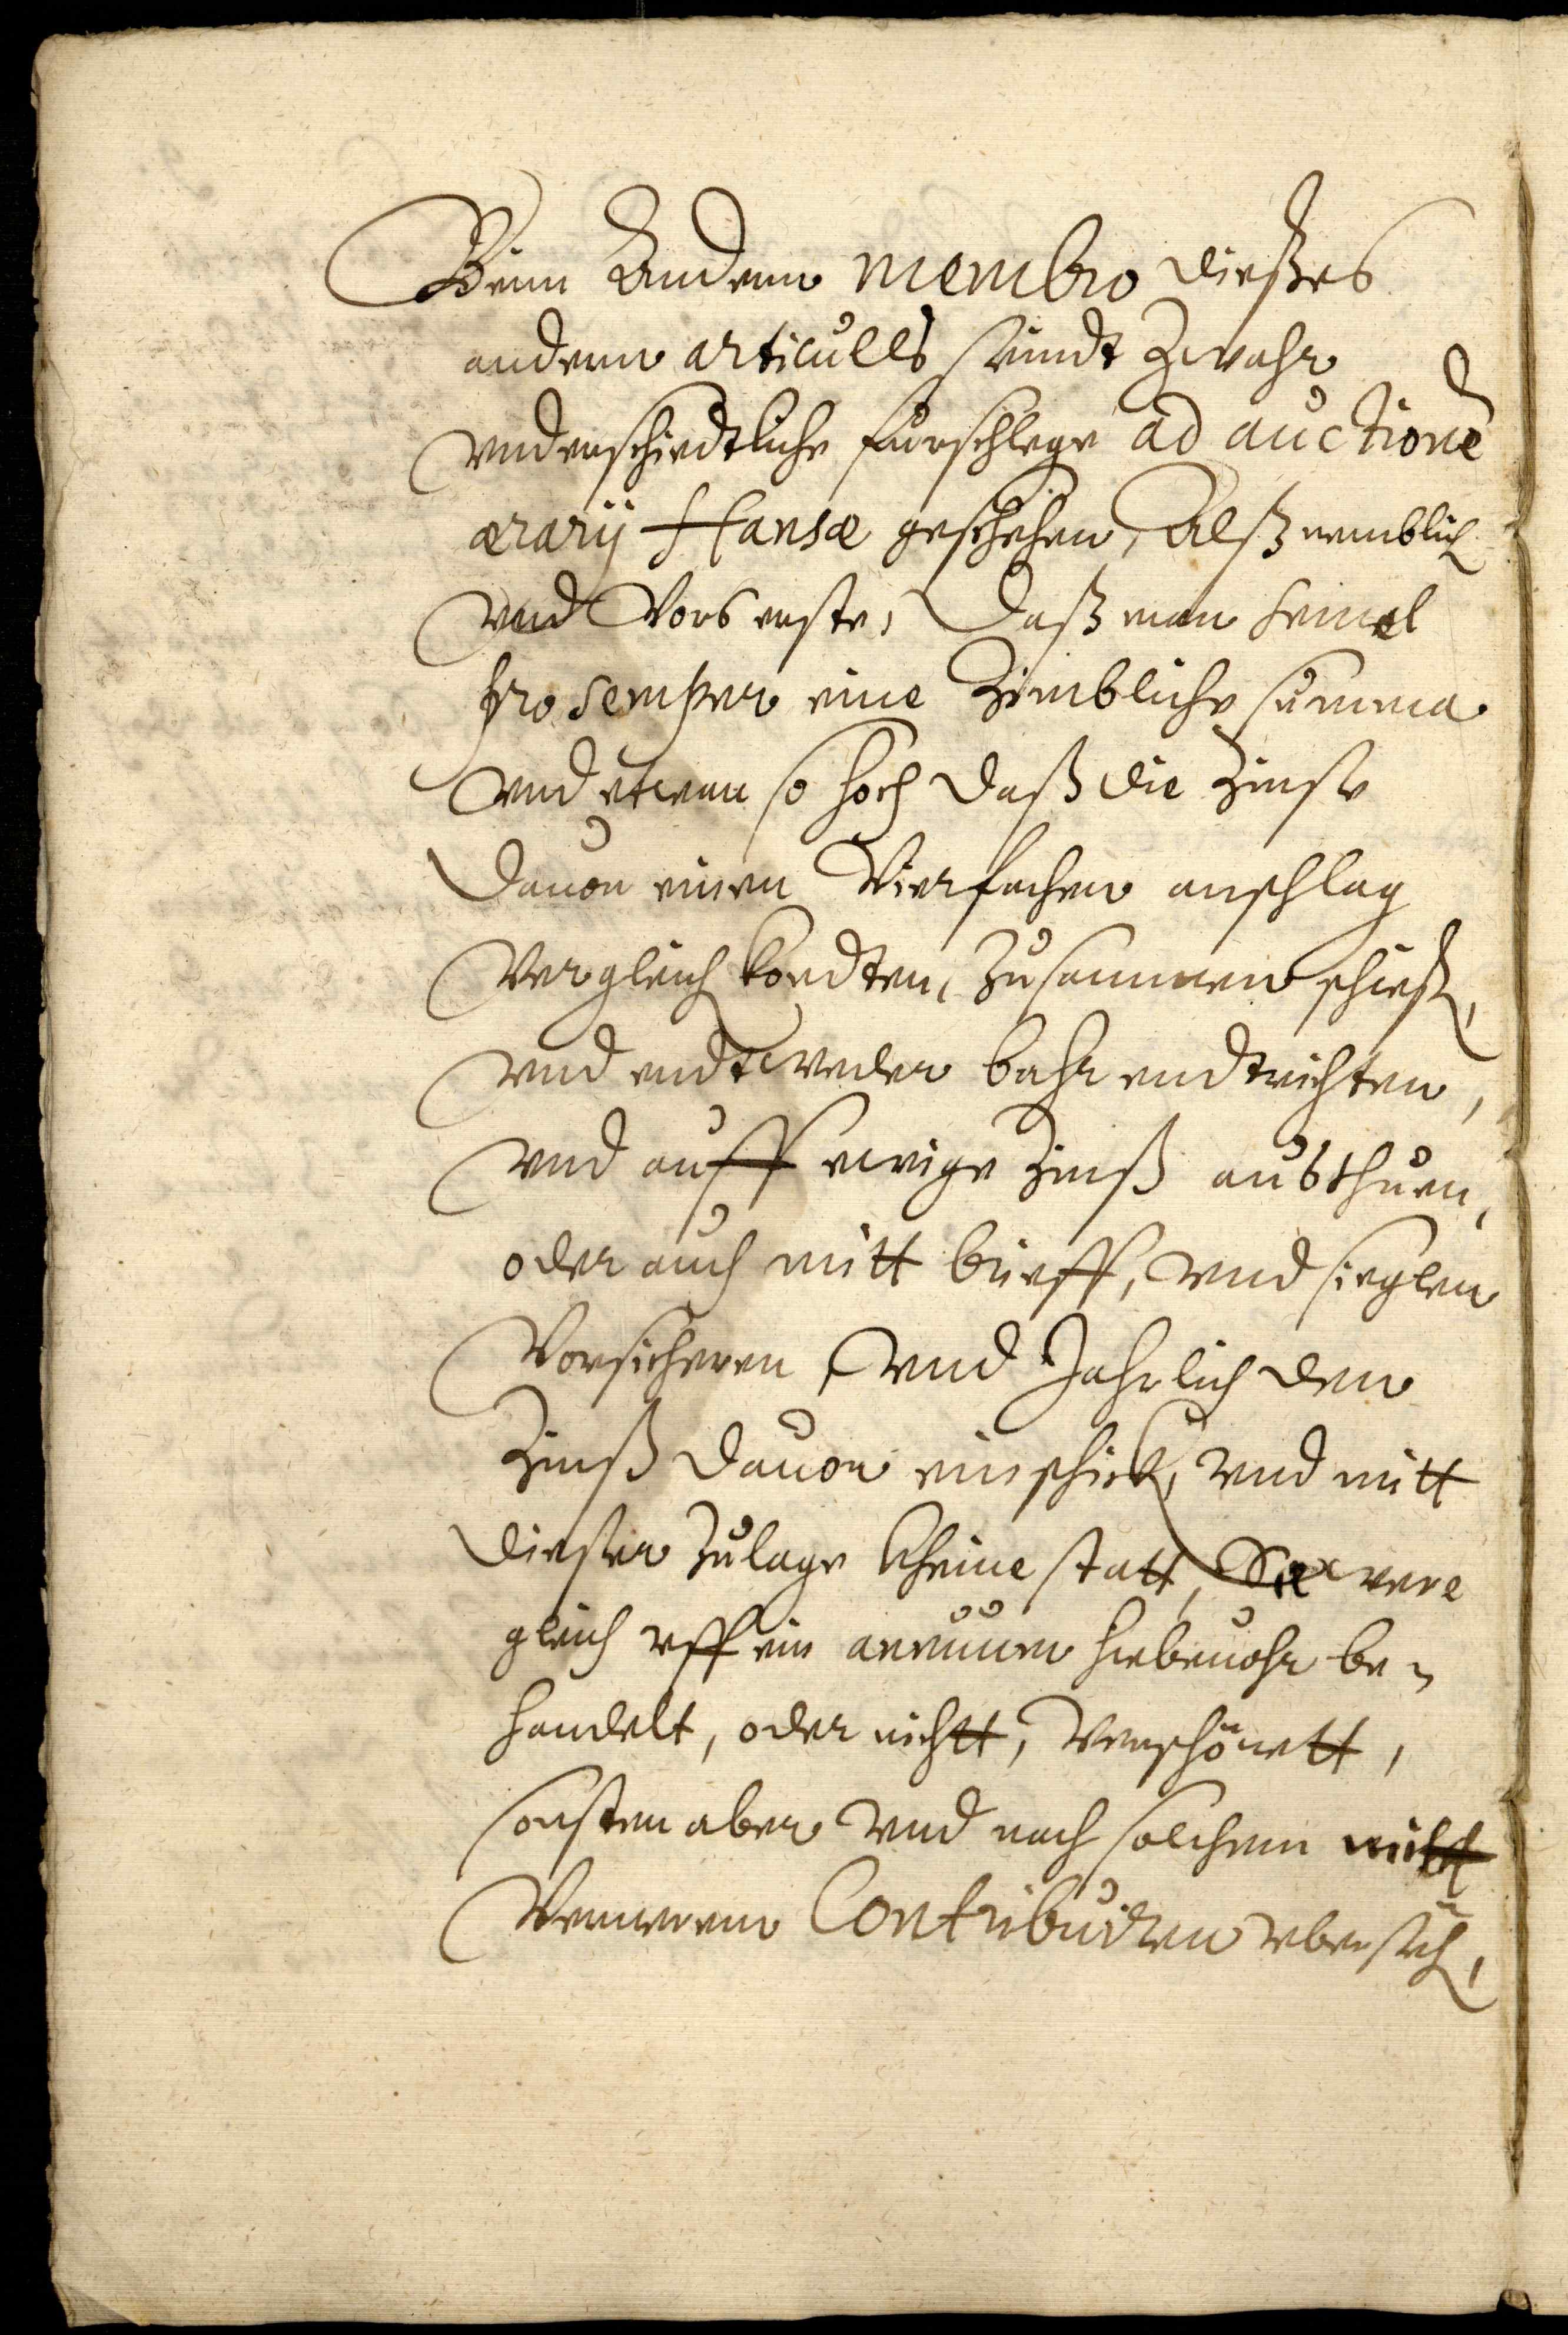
Beim Andern membro dießes
andern articulls seindt Zwahr
vnderschiedtliche furschlege ad auctiones
aerarij Hansae geschehen, Alß nemblichen
Vnd Vors erste, daß man
pro semper eine Zimbliche summa
vnd etwan so hoch daß die Zinße
dauon einen Vierfachen anschlag
Vergleichen kondten, zusammen schließen,
vnd endtweder bahr endtrichten,
vnd auff ewige Zinß austhuen,
oder auch mitt brieff, vnd sieglen
Vorsicheren, vnd Jahrlich dem
Zinß dauon einschicken,vnd mitt
dieser Zulage kheine statt, sie were
gleich vff ein annuum hiebeuohr be¬
handelt, oder nichtt, Verschönett,
sonsten aber vnd nach solchem mitt
vernerem Contribuiren vber stehen,
